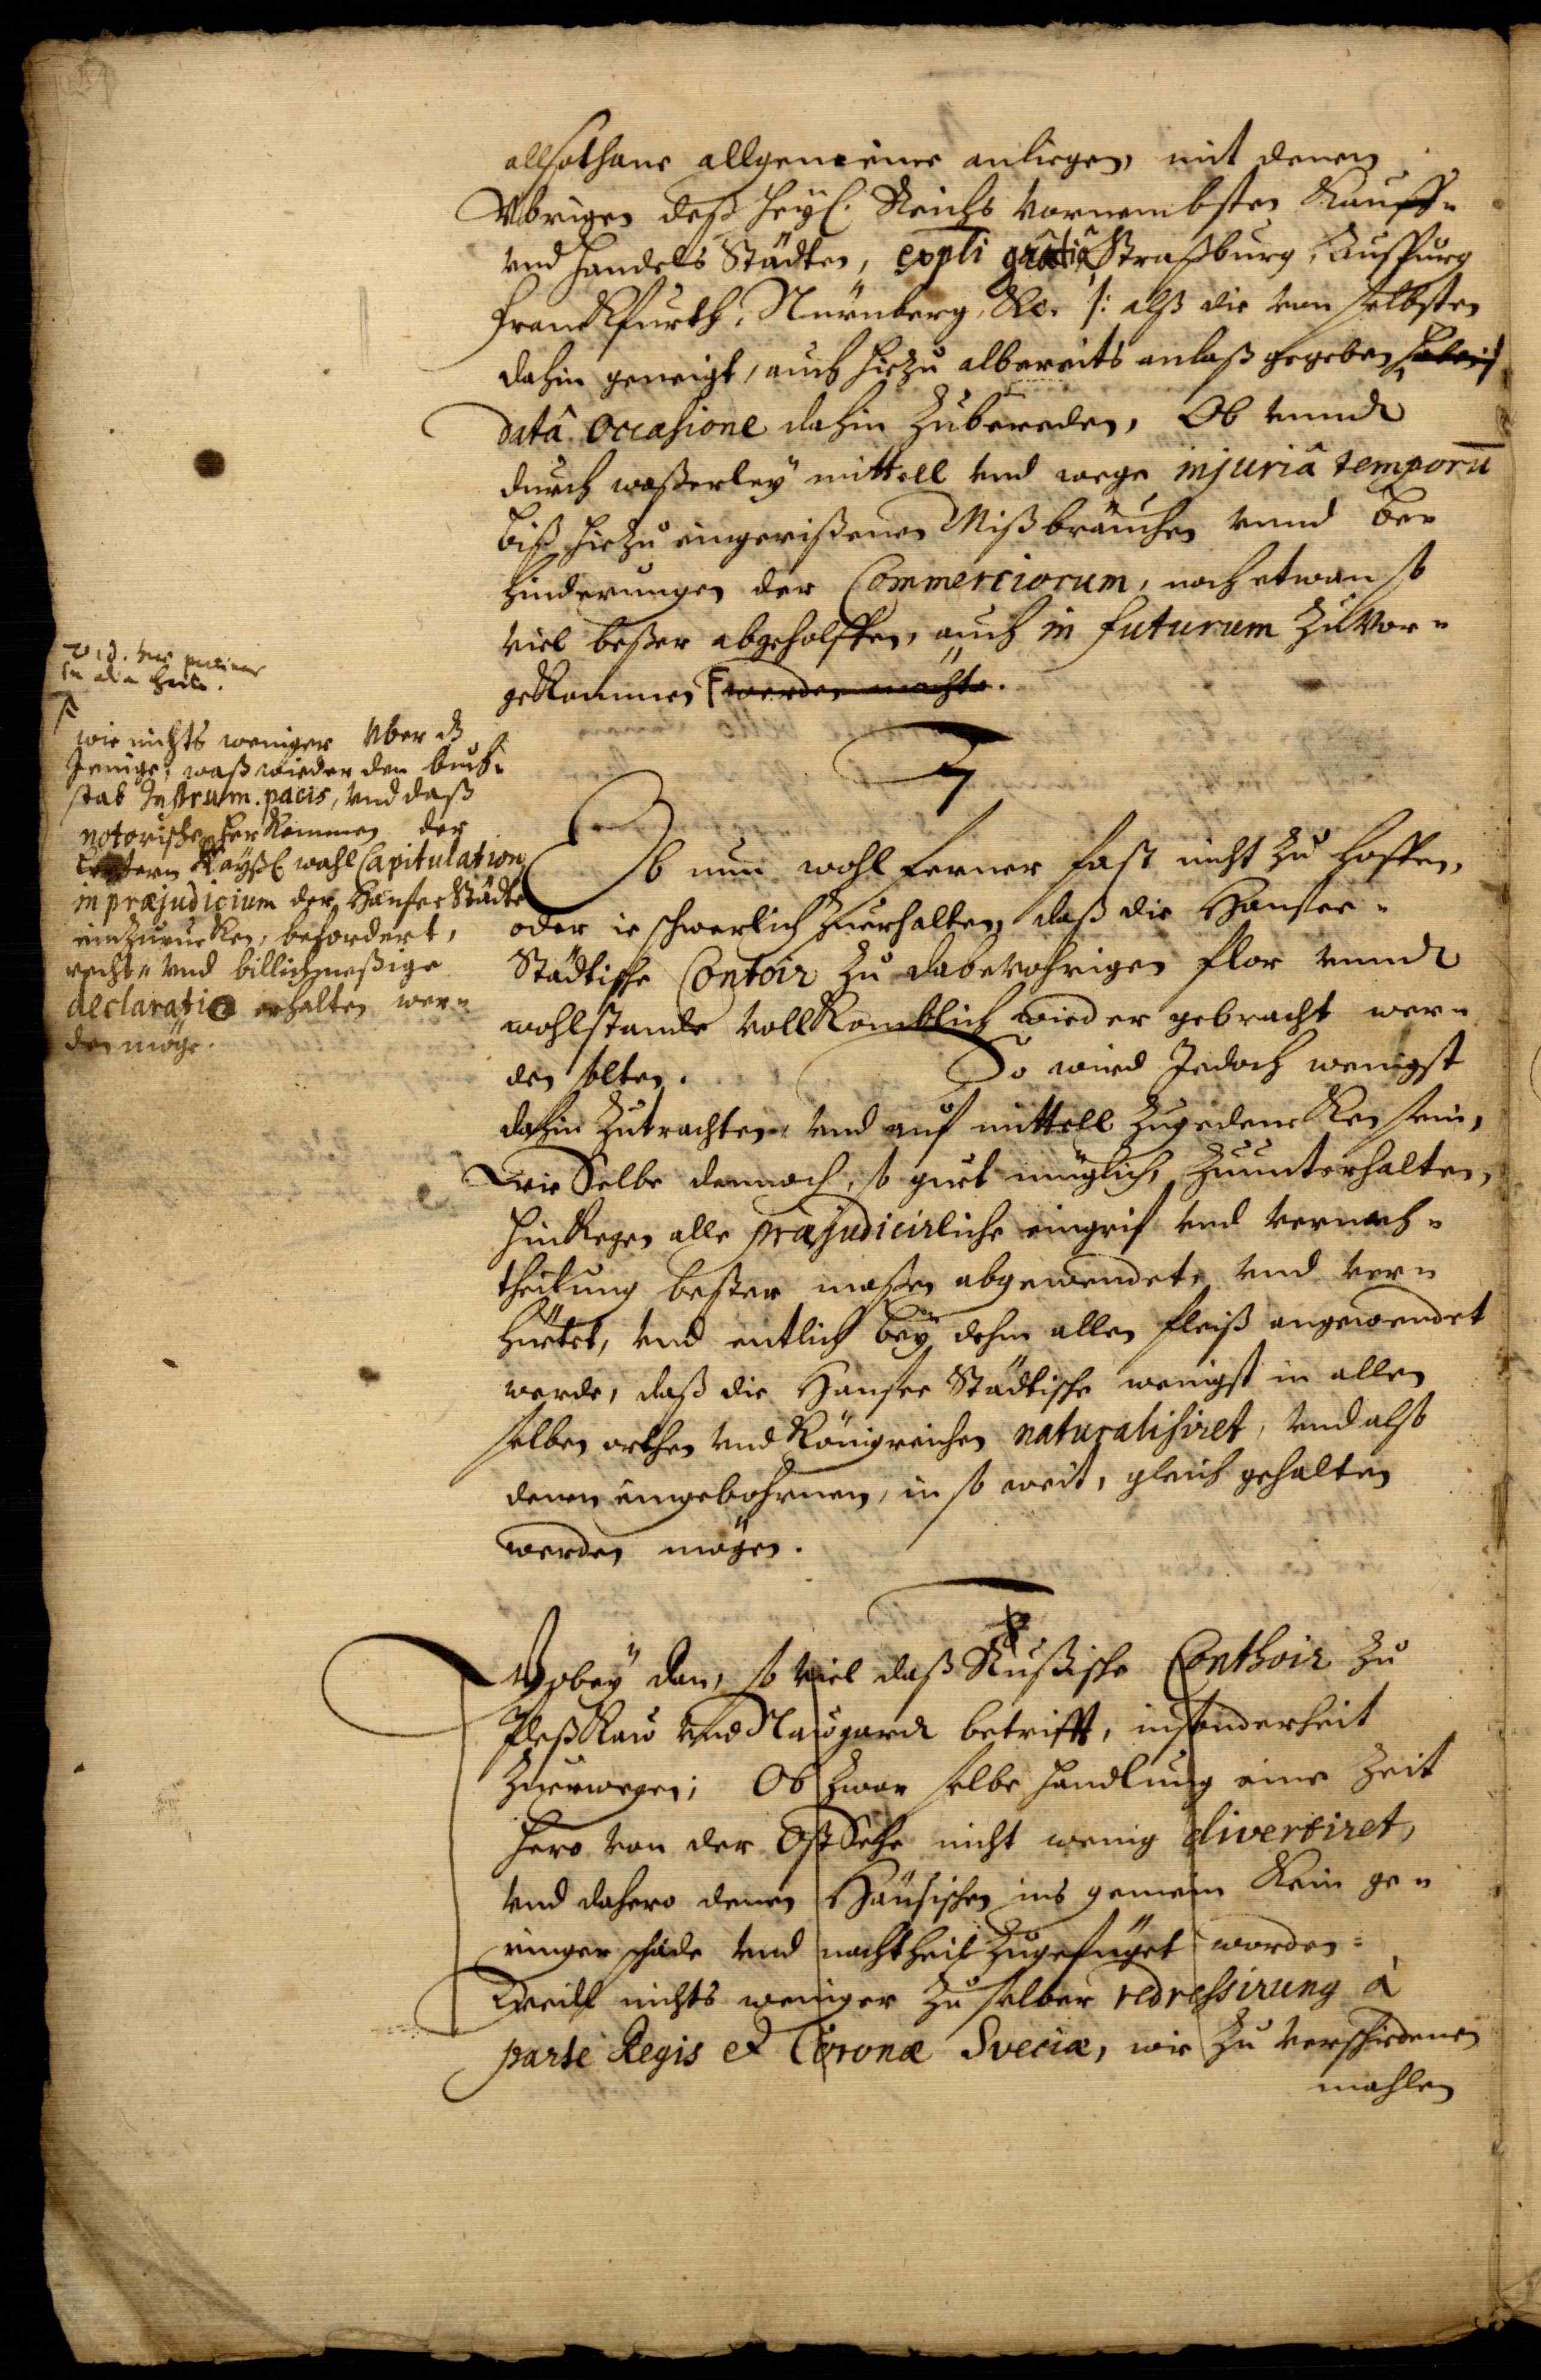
allsothane allgemeiner anliegen mit denen
Vbrigen deß Heijl. Reichs vornembsten Kauff¬
vnd handels Städten, exempli gratia Straßburg, Auspurg
Frankfurth, Nürnberg &c. /: alß die von selbsten
dahin geneigt, auch hiezu albereits anlaß gegeben haben :/
data occasione dahin zubereden, Ob vnndt
durch waßerleij mittell vnd wegen injuria temporum
biß hiezu eingerißenen Mißbräuchen vnnd be¬
hinderungen der Commerciorum, noch etwan so
viel beßer abgeholffen, auch in futurum zuvor¬
gekommen F werden mochte
vid. huic pertinet
in alia Seite.
F
wie nichts weniger vber das
Jenige, waß wieder den buch¬
stab Instrum. pacis, vnd daß
notorische herkommen der
leztern Kaijßl. wahl Capitulation
in praejudicium der Hansee Städte
einzurucken, befordert,
recht- vnd billichmeßige
declaratio erhalten wer¬
den möge.
7
Ob nun wohl ferner fast nicht zu hoffen
oder ie schwerlich zuerhalten daß die Hansee¬
Städtische Contoir zu dabevohrigen flor vnndt
wohlstande vollkomblich wieder gebracht wer¬
den solten, So wird Jedoch wenigst
dahin zutrachten vnd auf mittell zugedenken sein,
wie Selbe dennoch, so guet müglich zuunterhalten
hinkegen alle praejudicirliche eingrif vnd vernach¬
theilung beßer maßen abgewendete vnd ver¬
hüetet, vnd entlich beij dehm allen fleiß angewendet
werde, daß die Hansee Städtische wenigst in allen
selben orthen vnd Königreichen naturalisiret, vnd also
denen ungebohrenen, in so weit, gleich gehalten
werden mögen.
8
Wobeij dan, so viel daß Rußische Conthoir zu
Pleskaw vnd Naugardt betrifft, insonderheit
zuerwegen; Ob zwar selbe handlung eine Zeit
hero von der Ostsehe nicht wenig divertiret,
vnd dahero denen Hänsischen ins gemein kein ge¬
ringer schade vnd nachtheil zugefüget worden:
Weil nichts weniger zu selber redressirung a
parte Regis ex Coronae Sveciae, wie zu vorschiedenen
mahlen
